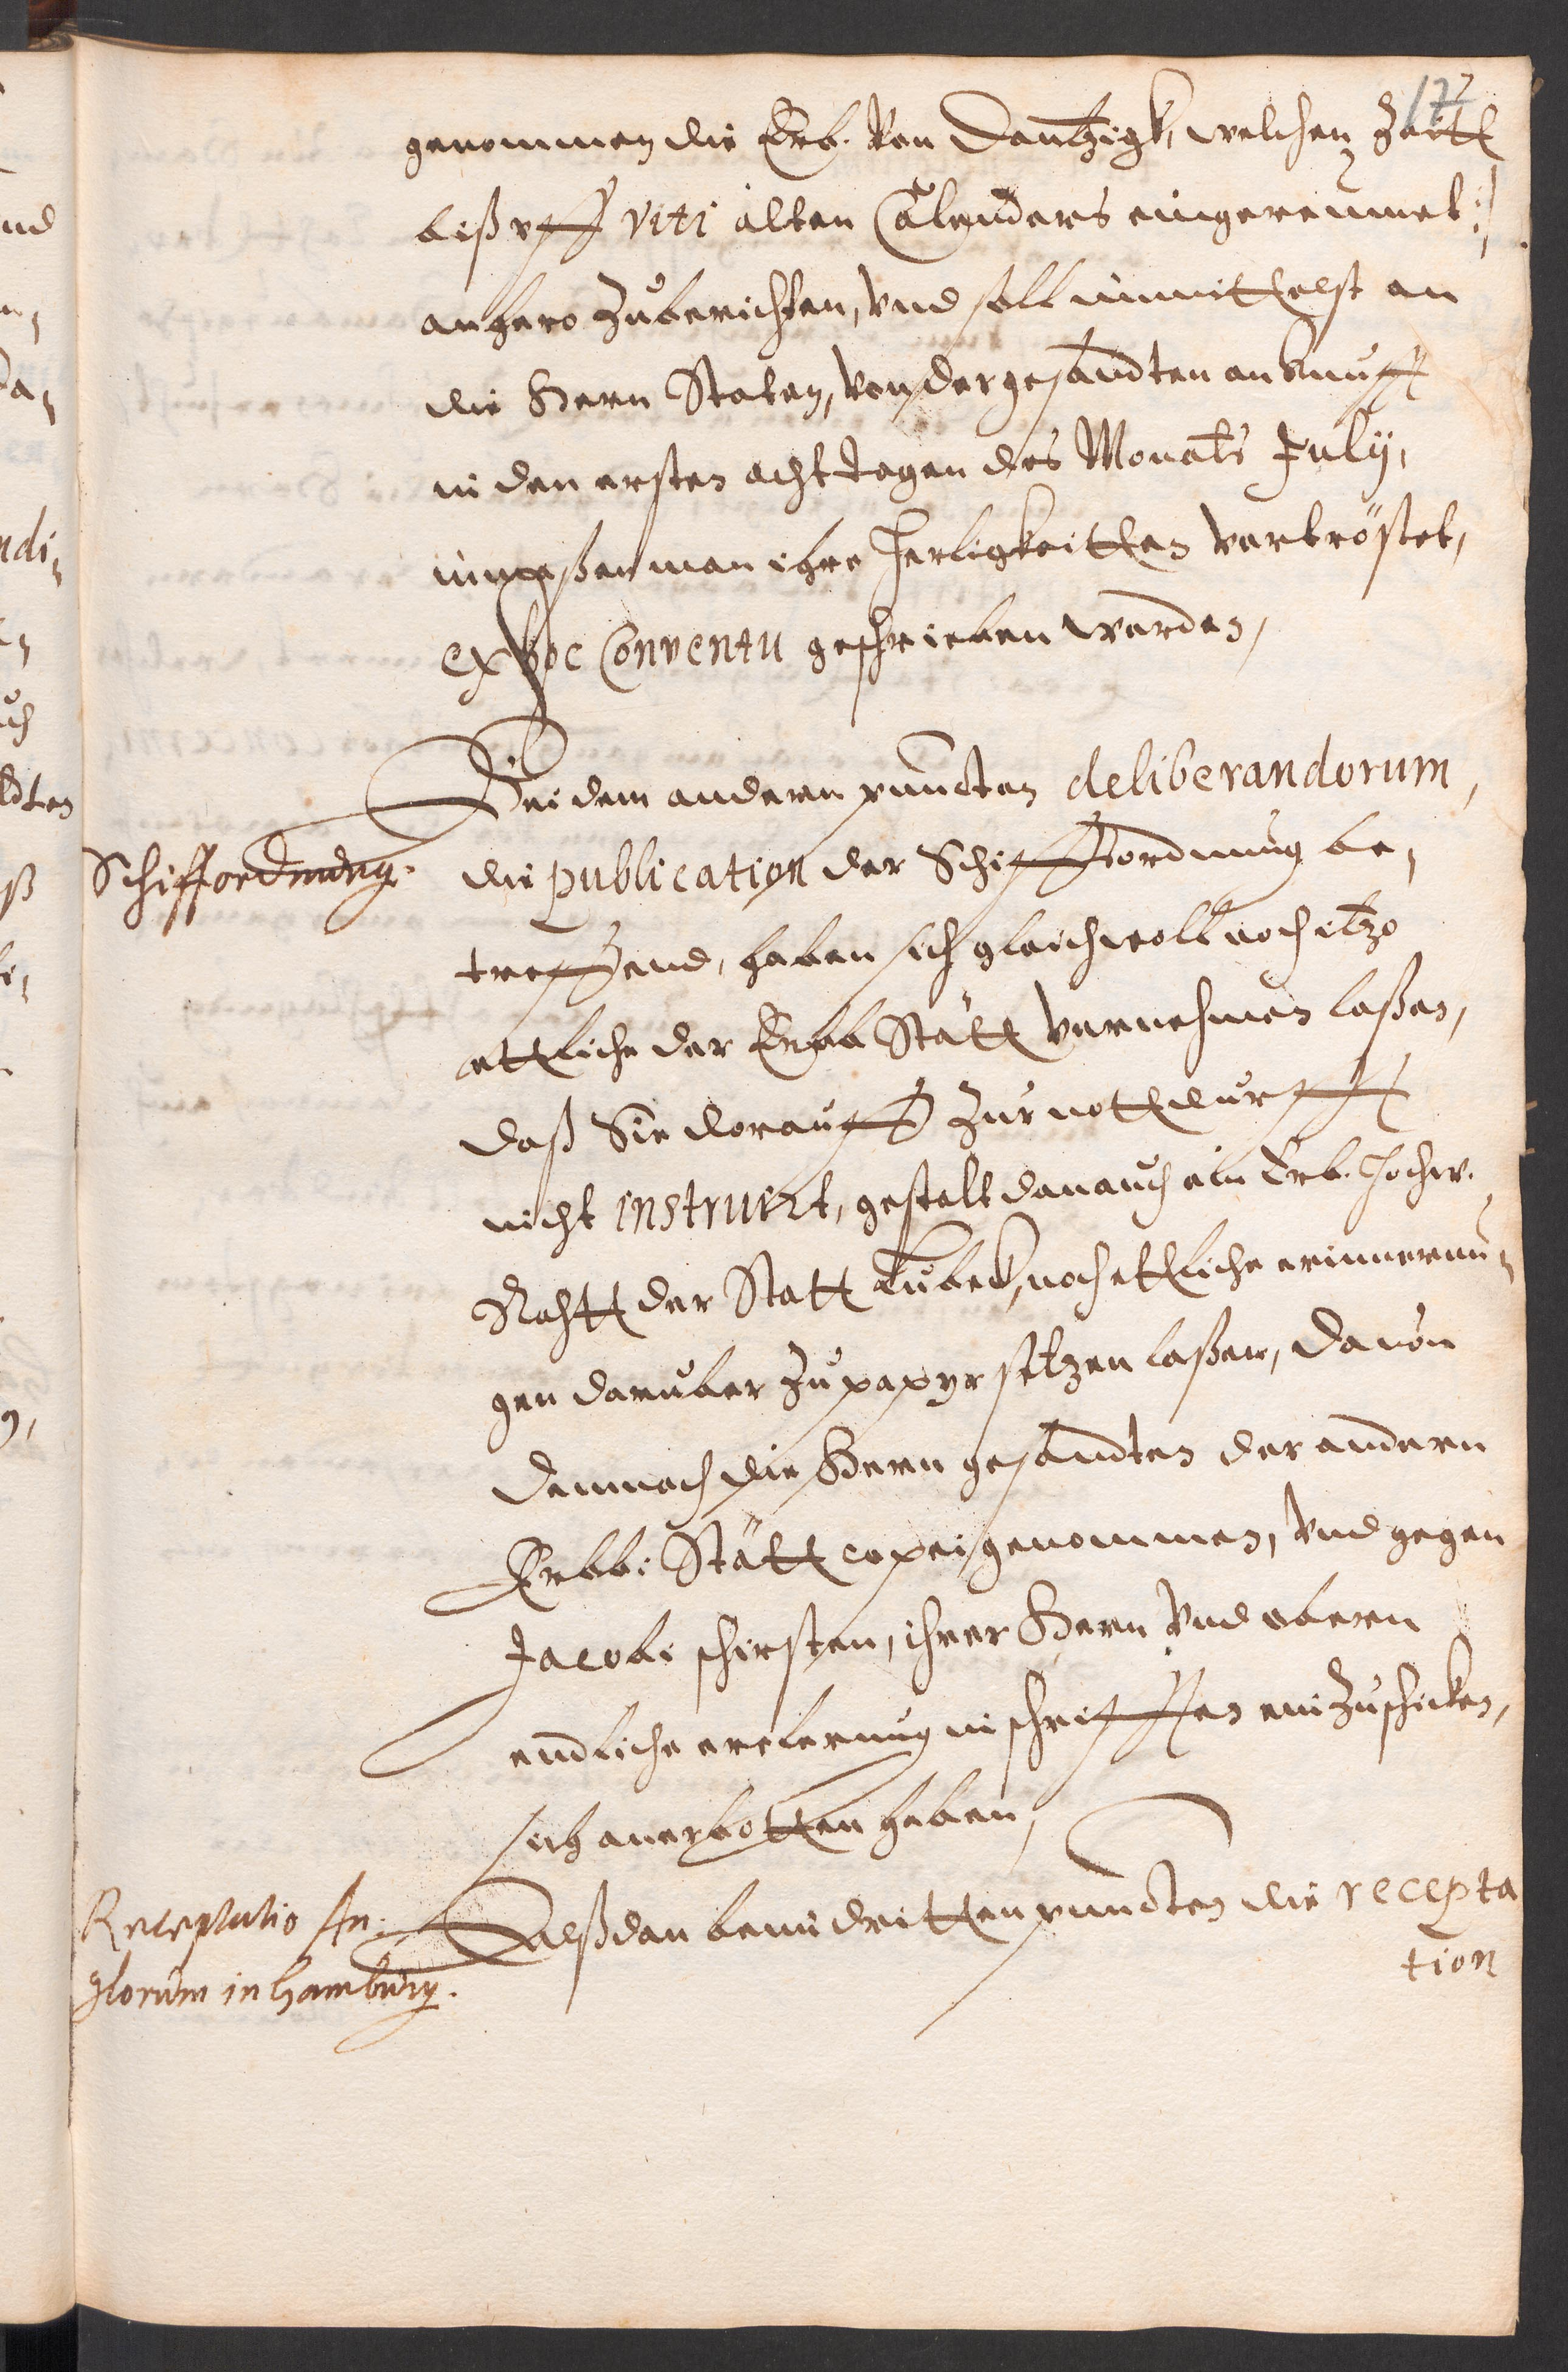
genommen die Erb. Von Dantzigk, welchen zeitt
biß vff viti alten Calenders eingereumet :|
anhero Zuberichten, vnd soll immittelst an
die Hern Staten, von den gesandten ankunfft
in den ersten acht tagen des Monats Julij,
in maßen man ihre Herligkeitten vertröstet,
ex hoc Conventu geschrieben werden,
Bei dem andern puncten deliberandorum,
die publication der Schiffsordnung be¬
treffend, haben sich gleichwoll noch itzo
ettliche der Erbb Stätt vernehmen laßen,
daß Sie dorauff zur nottdurfft
nicht instruirt, gestalt den auch ein Erb. hochw.
Rahtt der Statt Lubeck, noch ettliche erinnerun¬
gen daruber zu papyr setzen laßen, dauon
demnach die Hern gesandten der andern
Erbb: Stätt copei genommen, vnd gegen
Jacobi schiesten, ihren Hern vnd obern
endliche erclerung in schrifften ein zuschicken,
sich anerbotten haben,
Alsdan beim dritten puncten die recepta
tion
Schiffordnung.
Receptatio An¬
glorum in Hamburg
